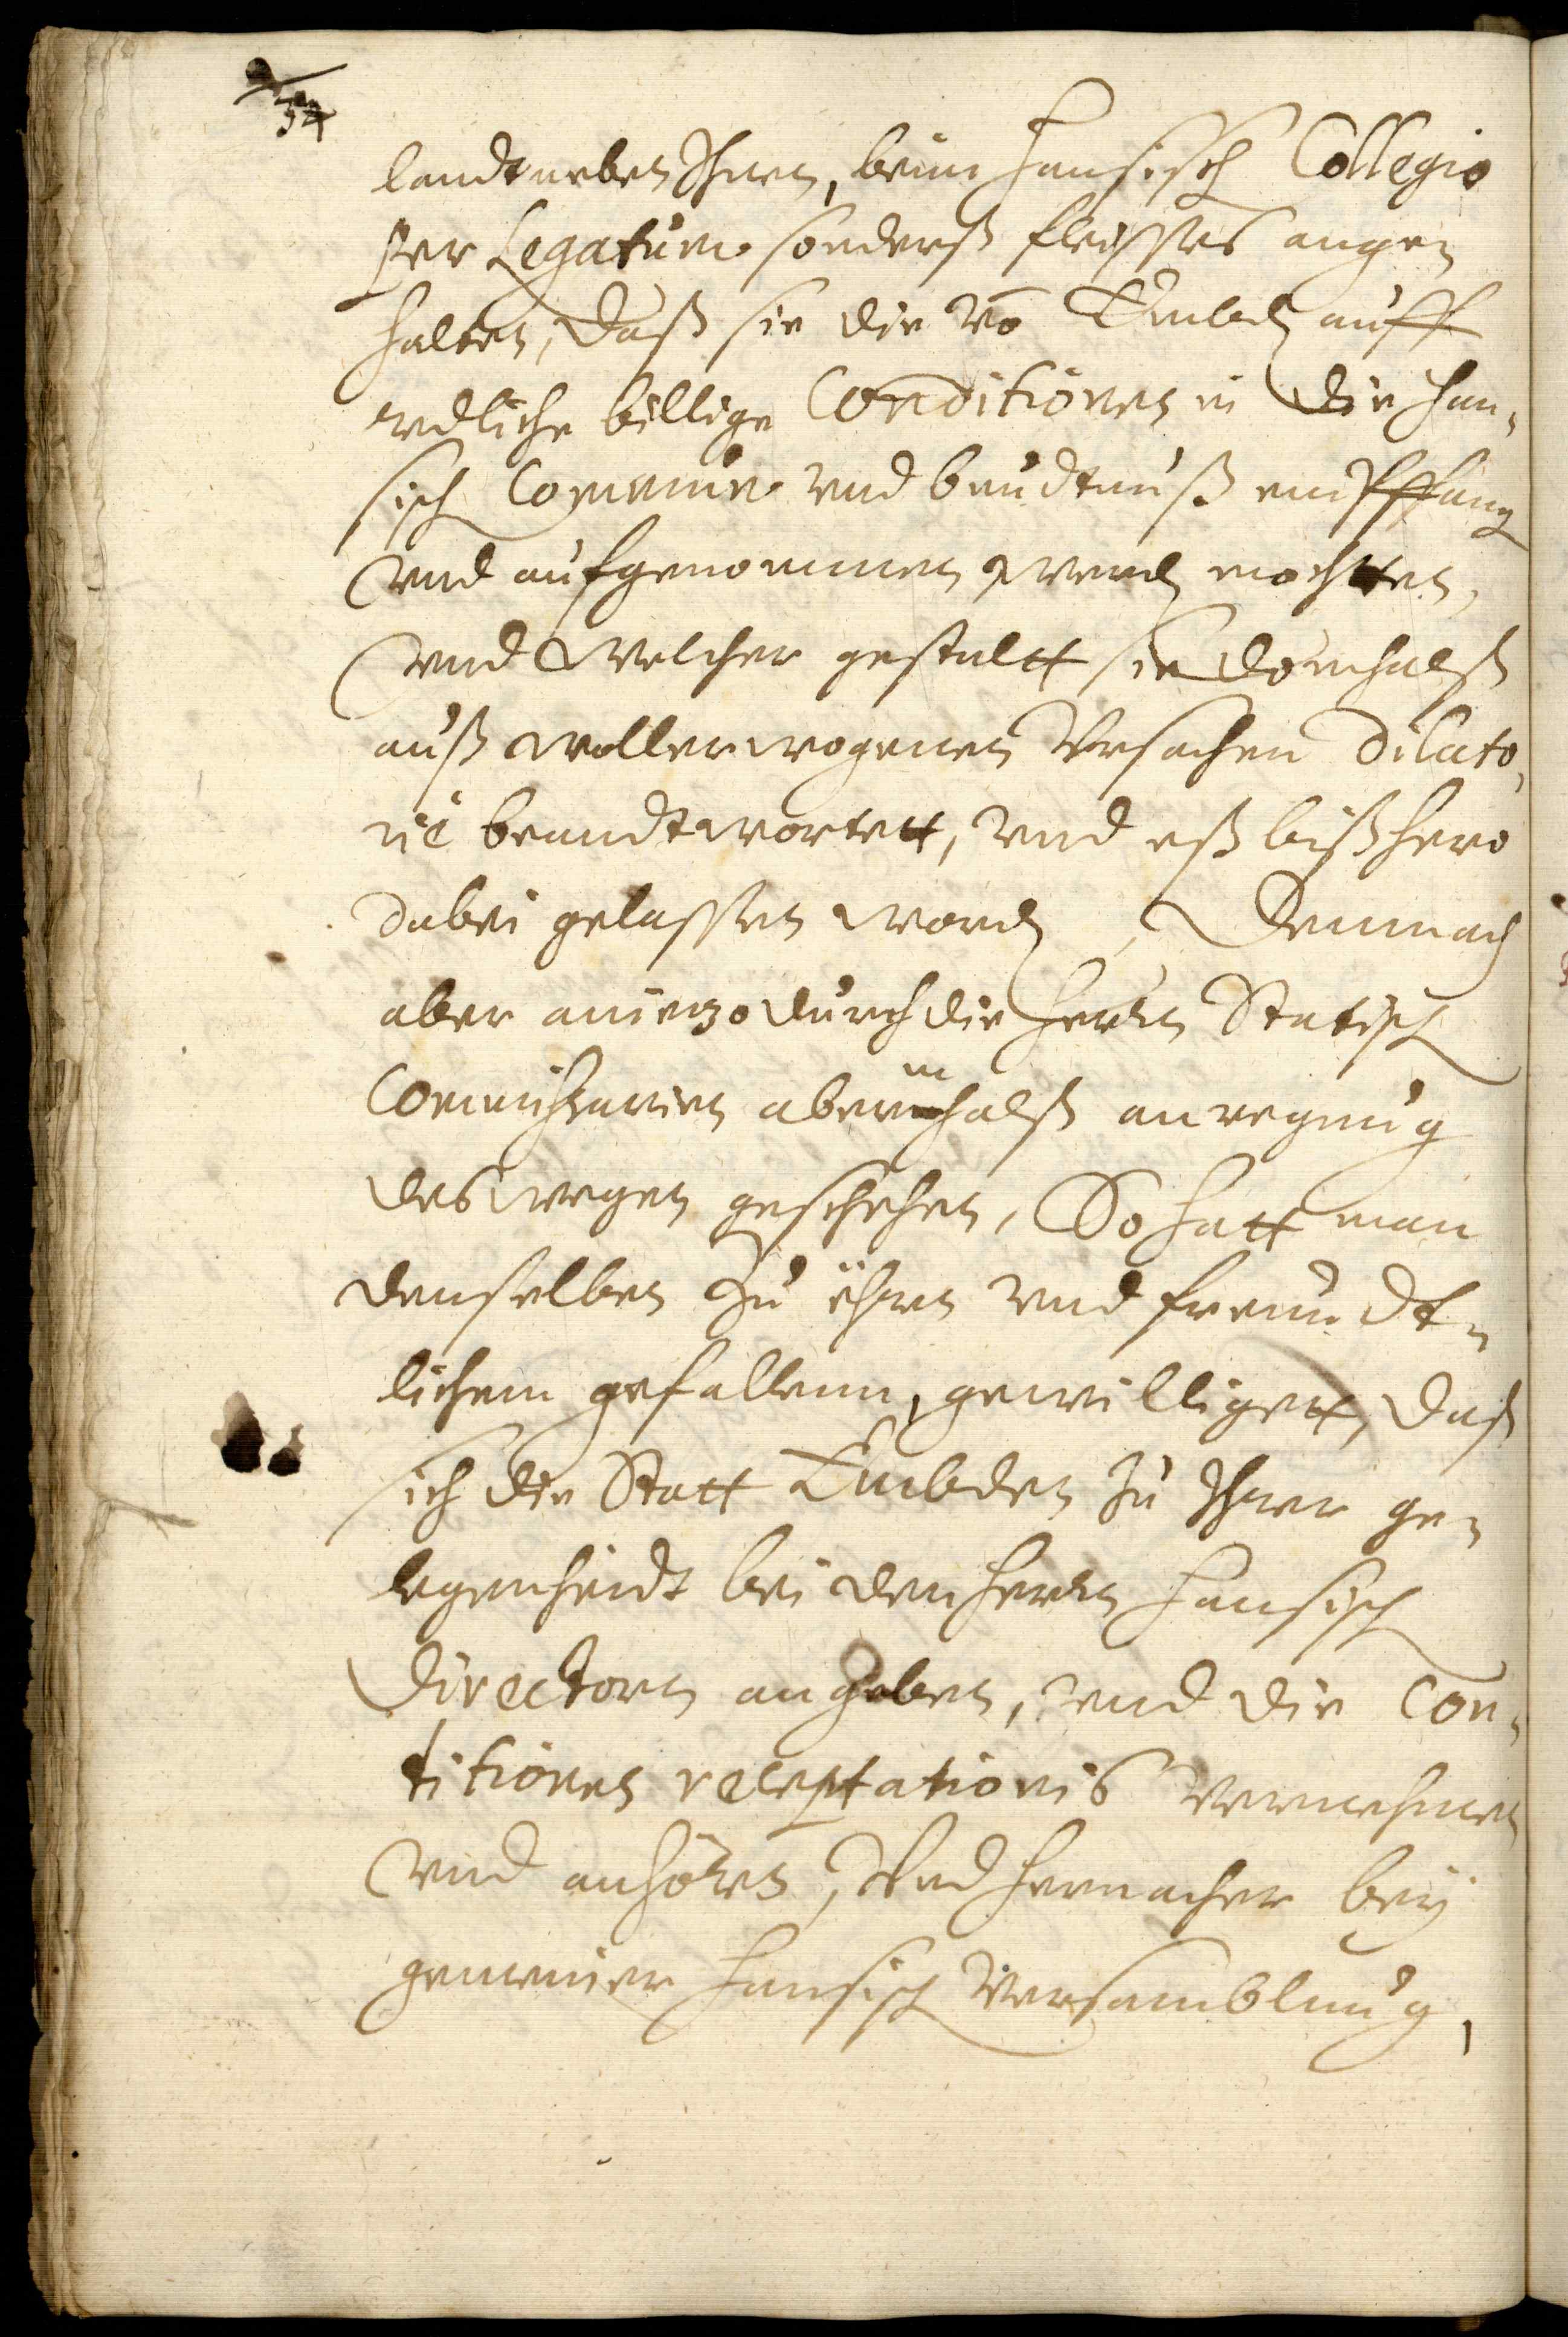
34
landt neben Ihnen, beim Hansischen Collegio
per Legatum sonderß fleisses ange¬
halten, daß sie die von Embden auff
redliche billige Conditionen in die han¬
sischen Commun vnd bundtnuß empffangen
vnd aufgenommen werden mochtten,
vnd welcher gestaltt sie domhalß
auß wollerwogenen Vrsachen dilato¬
rie beandtwortett, vnd eß bißhero
dabei gelassen worden, Demnach
aber anietzo durch die herrn Stetischen
Commissarien abermhalß anregung
deswegen geschehen, So hatt man
denselben zu ehren vnd freundt¬
lichem gefallenn, gewilligett, daß
sich die Statt Embden zu Ihrer ge¬
legenheidt beij den Herrn Hansischen
Directorn angeben, vnd die con¬
ditiones receptationis vernehmen
vnd anhören, Vnd hernacher beij
gemeiner Hansischen Versamblung,
